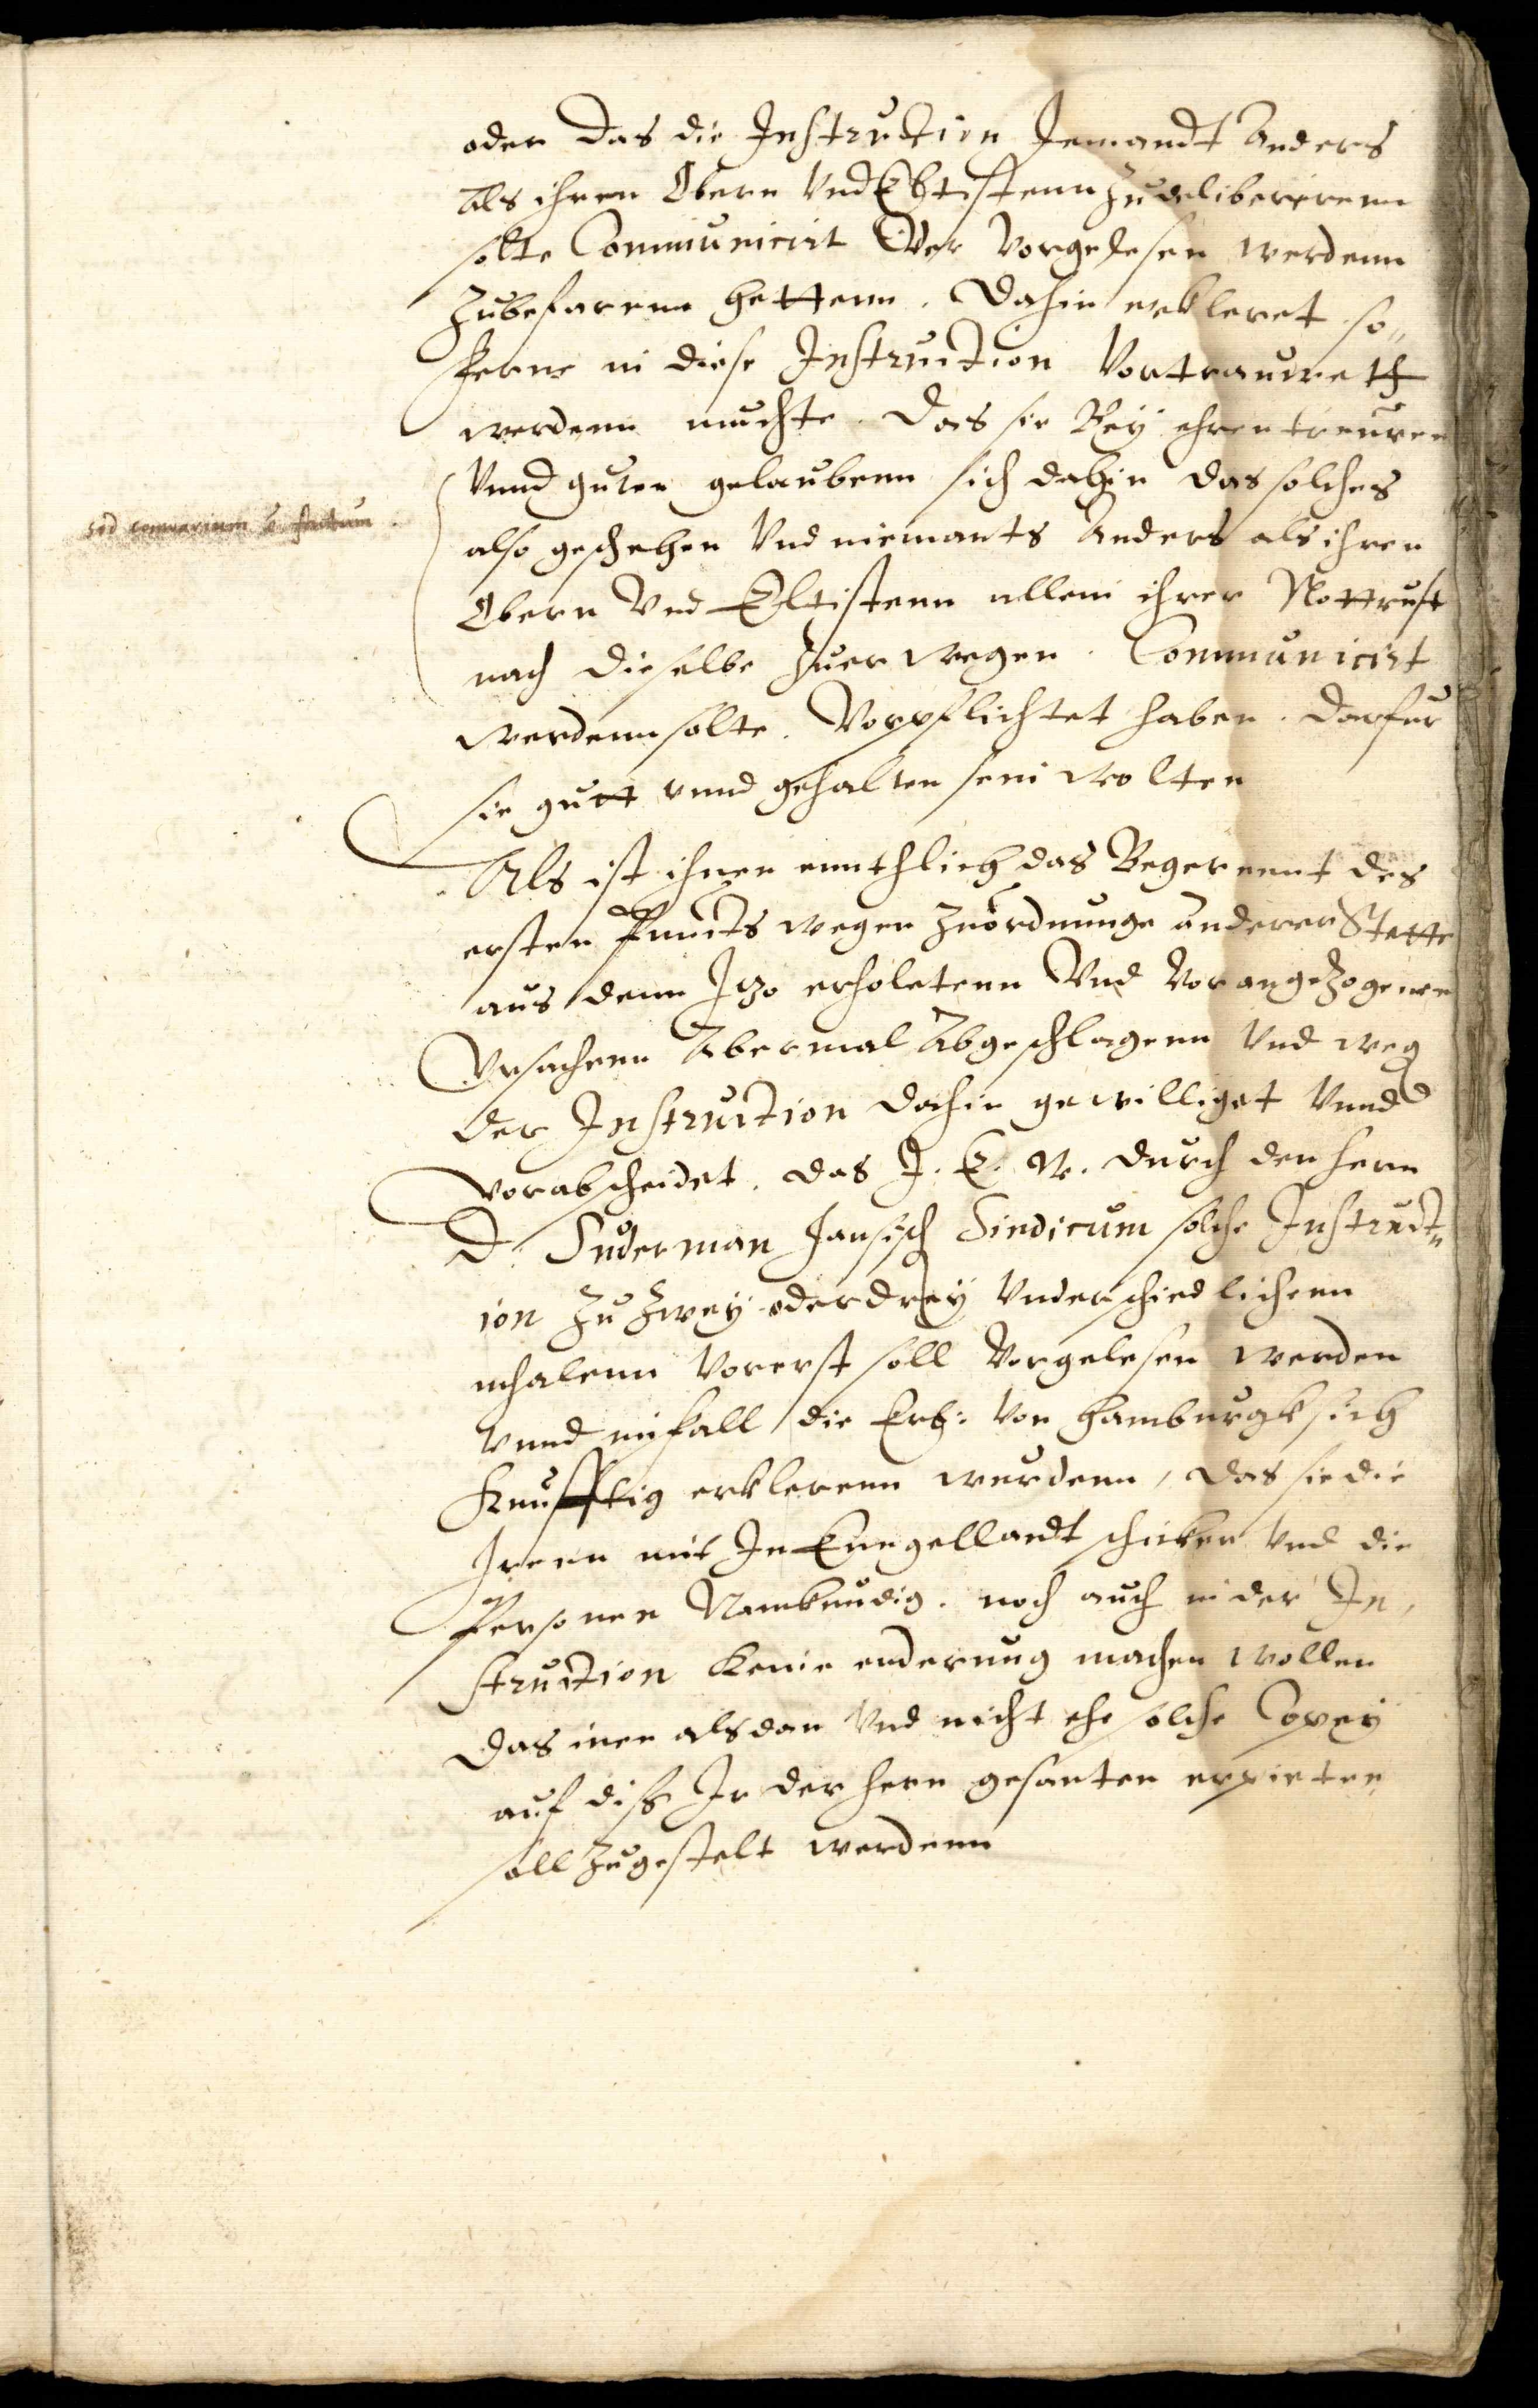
oder das die Instruction Jemandt Anders
Als ihren Obern vnd Eltistenn zu deliberirenn
solte Communicirt Oder Vorgelesen werdenn
zubefarenn Hettenn, Dahin erkleret so¬
Ferne in diese Instruction Vortrauwett
werdenn muchte das sie Beij ehren treuwen
Vnnd guten gelaubenn sich dahin das solches
also geschehen Vnd niemandts Anders als ihren
Obern vnd Eltistenn allein ihrer Nottruft
nach dieselbe zuerwegen, Communicirt
werdenn solte, Vorpflichtet haben, darfur
sie gutt vnnd gehalten sein wolten
sed comuarium e factum
Als ist ihnen ennthlich das Begerennt des
ersten Puncts wegen zuordnunge Anderer Stette
aus denn Itzo erholetenn Vnd vorangezogenen
Vrsachenn Abermal Abgeschlagenn vnd wegen
der Instruction dahin gewilliget Vnnd
Vorabscheidet, das I. E. W. durch den hern
D. Suderman hansischen Sindicum solche Instruct¬
ion zu zweij oder dreij vnderschiedlichenn
mhalenn vorerst soll vorgelesen werden
vnnd im fall die Erb: von Hamburgk sich
Kunfftig erklerenn werdenn, das sie die
Irenn mit In Engellandt schicken vnd die
Personen Namkundig, noch auch in der In¬
struction keine enderung machen wollen
das inen alsdan vnd nicht ehe solche Copeij
auf diß In der hern gesanten erpieten
soll zugestelt werdenn
